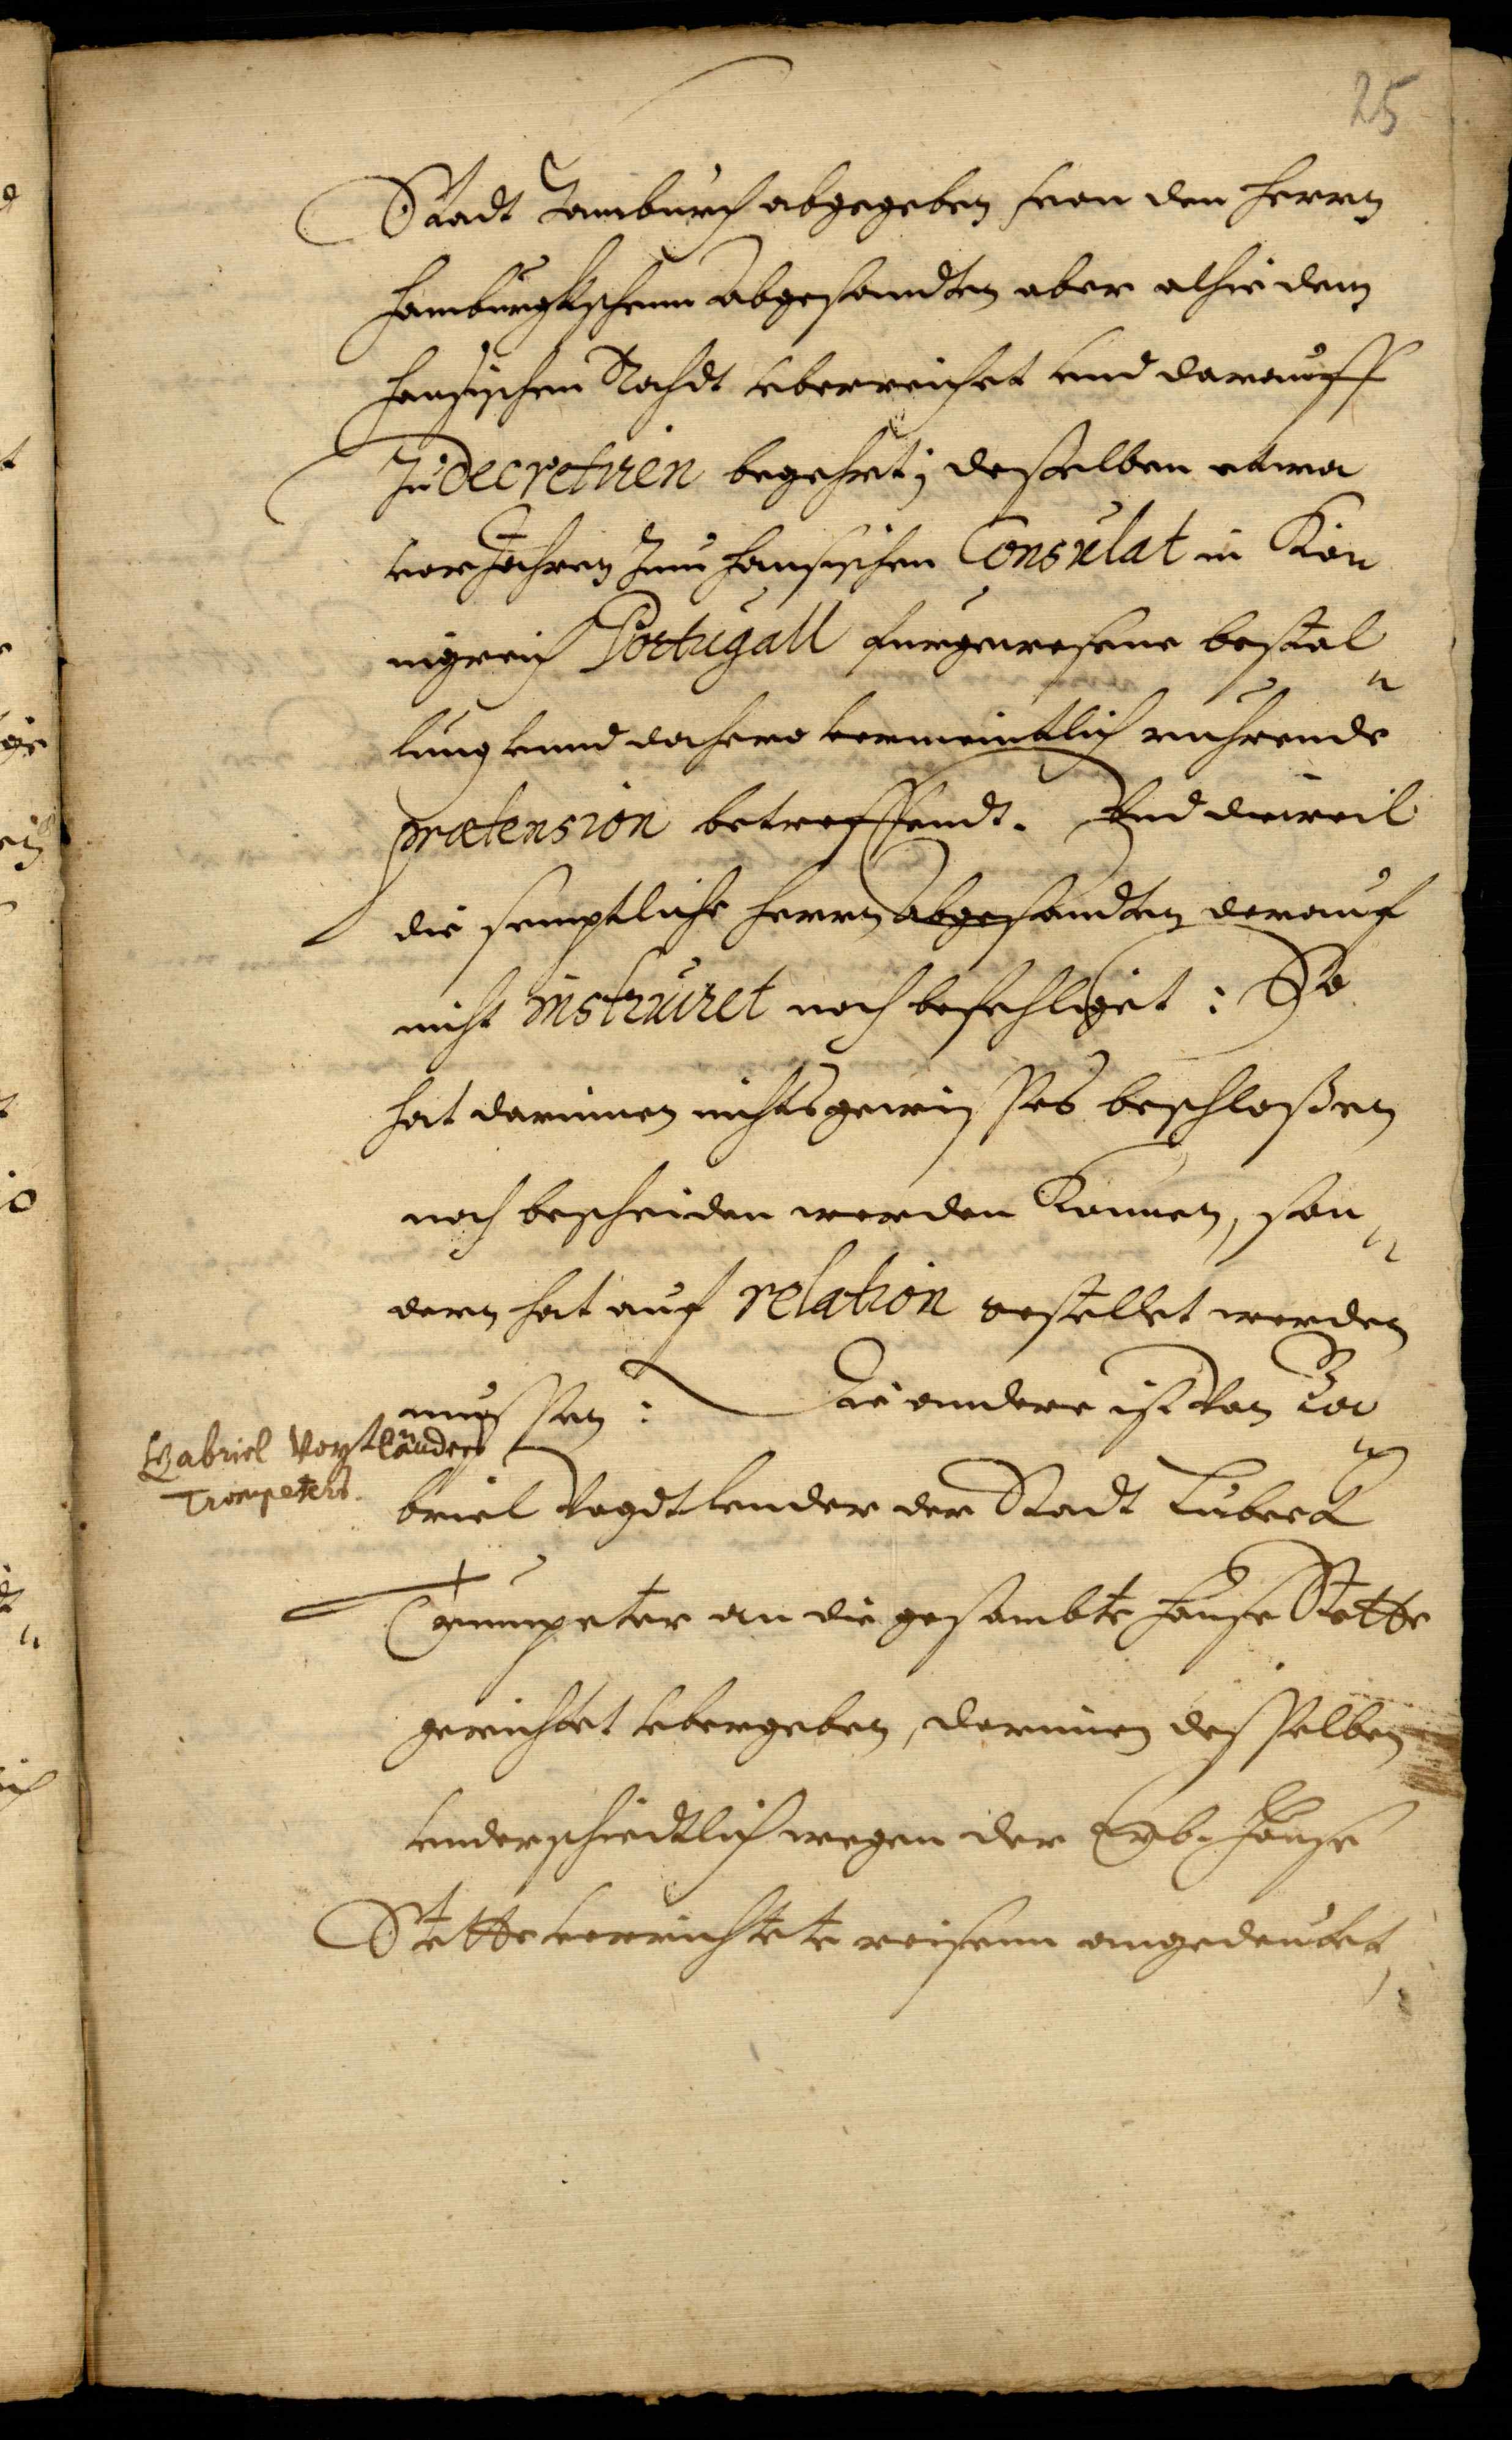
Stadt Hamburch abgegeben von den herrn
hamburgkschenn Abgesanndten aber alhie dem
hansischen Rahdt vberreichet vnnd darauff
zu decretiren begehrt; deßelben etwa
vor Jahren zum hansischen Consulat in Kö¬
nigreich Portugall furgewesene bestal¬
lung vnnd dahero vormeintlich ruhrende
praetension betreffendt. Vnd dieweil
die semptliche herrn Abgesandten dorauf
nicht instruiret noch befehliget: So
hat darinnen nichts gewisses beschloßen
noch bescheiden werden konnen, son¬
dern hat auf relation gestellet werden
mussen: Die andere ist Von Ga¬
briel Vogdtlender der Stadt Lubeck
Trumpeter an die gesambte hanse Stette
gerichtet vbergeben, darinnen desselben
vnderschiedtlich wegen der Erb. hanse
Stette vorrichtete reisenn angedeutet,
Gabriel Vogtländers
Trompeters.
